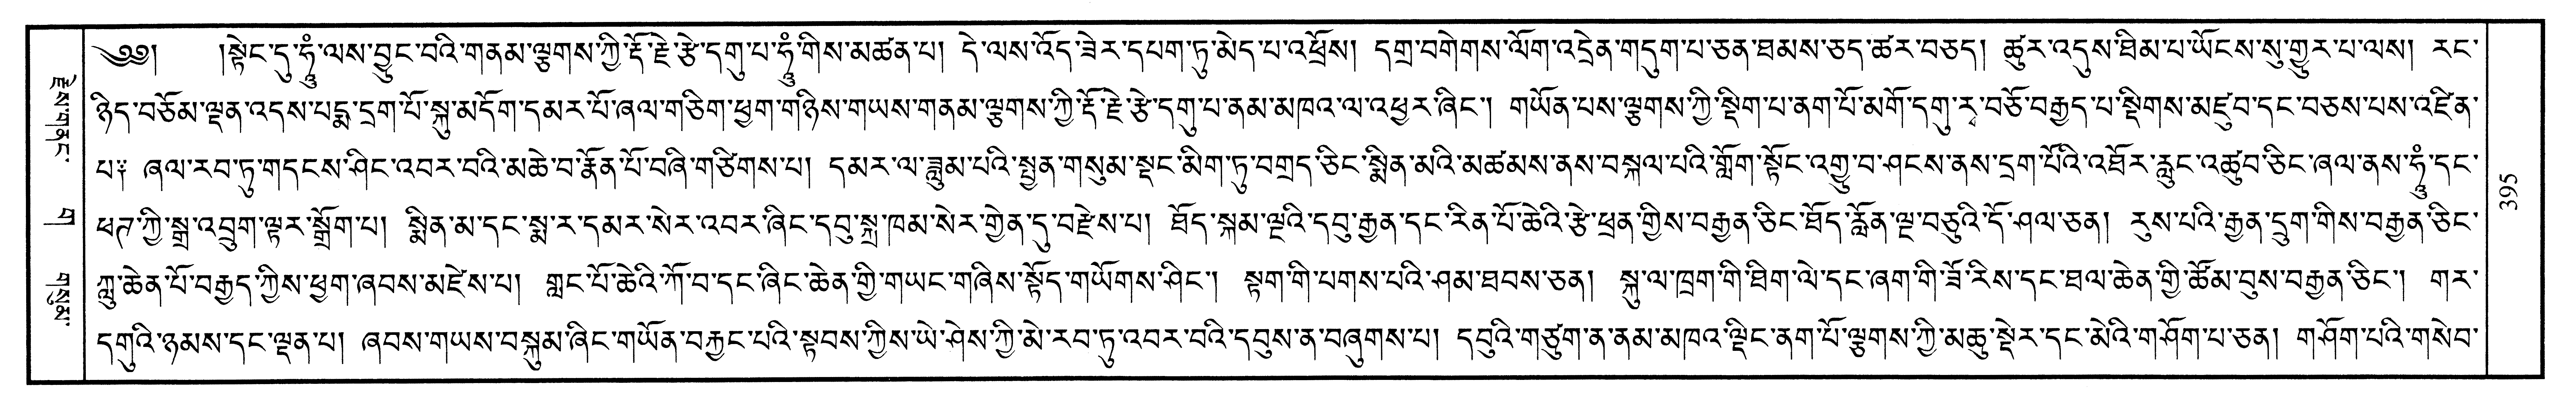༄༅། །སྟེང་དུ་ཧཱུཾ་ལས་བྱུང་བའི་གནམ་ལྕགས་ཀྱི་རྡོ་རྗེ་རྩེ་དགུ་པ་ཧཱུཾ་གིས་མཚན་པ། དེ་ལས་འོད་ཟེར་དཔག་ཏུ་མེད་པ་འཕྲོས། དགྲ་བགེགས་ལོག་འདྲེན་གདུག་པ་ཅན་ཐམས་ཅད་ཚར་བཅད། ཚུར་འདུས་ཐིམ་པ་ཡོངས་སུ་གྱུར་པ་ལས། རང་
ཉིད་བཅོམ་ལྡན་འདས་པདམ་དྲག་པོ་སྐུ་མདོག་དམར་པོ་ཞལ་གཅིག་ཕྱག་གཉིས་གཡས་གནམ་ལྕགས་ཀྱི་རྡོ་རྗེ་རྩེ་དགུ་པ་ནམ་མཁའ་ལ་འཕྱར་ཞིང་། གཡོན་པས་ལྕགས་ཀྱི་སྡིག་པ་ནག་པོ་མགོ་དགུ་རྭ་བཅོ་བརྒྱད་པ་སྡིག་མཛུབ་དང་བཅས་པས་འཛིན་
པ། ཞལ་རབ་ཏུ་གདངས་ཤིང་འབར་བའི་མཆེ་བ་རྣོན་པོ་བཞི་གཙིགས་པ། དམར་ལ་ཟླུམ་པའི་སྤྱན་གསུམ་སྡང་མིག་ཏུ་བགྲད་ཅིང་སྨིན་མའི་མཚམས་ནས་བསྐལ་པའི་གློག་སྟོང་འགྱུ་བ་ཤངས་ནས་དྲག་པོའི་འཐོར་རླུང་འཚུབ་ཅིང་ཞལ་ནས་ཧཱུཾ་དང་
ཕཊ་ཀྱི་སྒྲ་འབྲུག་ལྟར་སྒྲོག་པ། སྨིན་མ་དང་སྨ་ར་དམར་སེར་འབར་ཞིང་དབུ་སྐྲ་ཁམ་སེར་གྱེན་དུ་བརྫེས་པ། ཐོད་སྐམ་ལྔའི་དབུ་རྒྱན་དང་རིན་པོ་ཆེའི་རྩེ་ཕྲན་གྱིས་བརྒྱན་ཅིང་ཐོད་རློན་ལྔ་བཅུའི་དོ་ཤལ་ཅན། རུས་པའི་རྒྱན་དྲུག་གིས་བརྒྱན་ཅིང་
ཀླུ་ཆེན་པོ་བརྒྱད་ཀྱིས་ཕྱག་ཞབས་མཛེས་པ། གླང་པོ་ཆེའི་ཀོ་བ་དང་ཞིང་ཆེན་གྱི་གཡང་གཞིས་སྟོད་གཡོགས་ཤིང་། སྟག་གི་པགས་པའི་ཤམ་ཐབས་ཅན། སྐུ་ལ་ཁྲག་གི་ཐིག་ལེ་དང་ཞག་གི་ཟོ་རིས་དང་ཐལ་ཆེན་གྱི་ཚོམ་བུས་བརྒྱན་ཅིང་། གར་
དགུའི་ཉམས་དང་ལྡན་པ། ཞབས་གཡས་བསྐུམ་ཞིང་གཡོན་བརྐྱང་པའི་སྟབས་ཀྱིས་ཡེ་ཤེས་ཀྱི་མེ་རབ་ཏུ་འབར་བའི་དབུས་ན་བཞུགས་པ། དབུའི་གཙུག་ན་ནམ་མཁའ་ལྡིང་ནག་པོ་ལྕགས་ཀྱི་མཆུ་སྡེར་དང་མེའི་གཤོག་པ་ཅན། གཤོག་པའི་གསེབ་